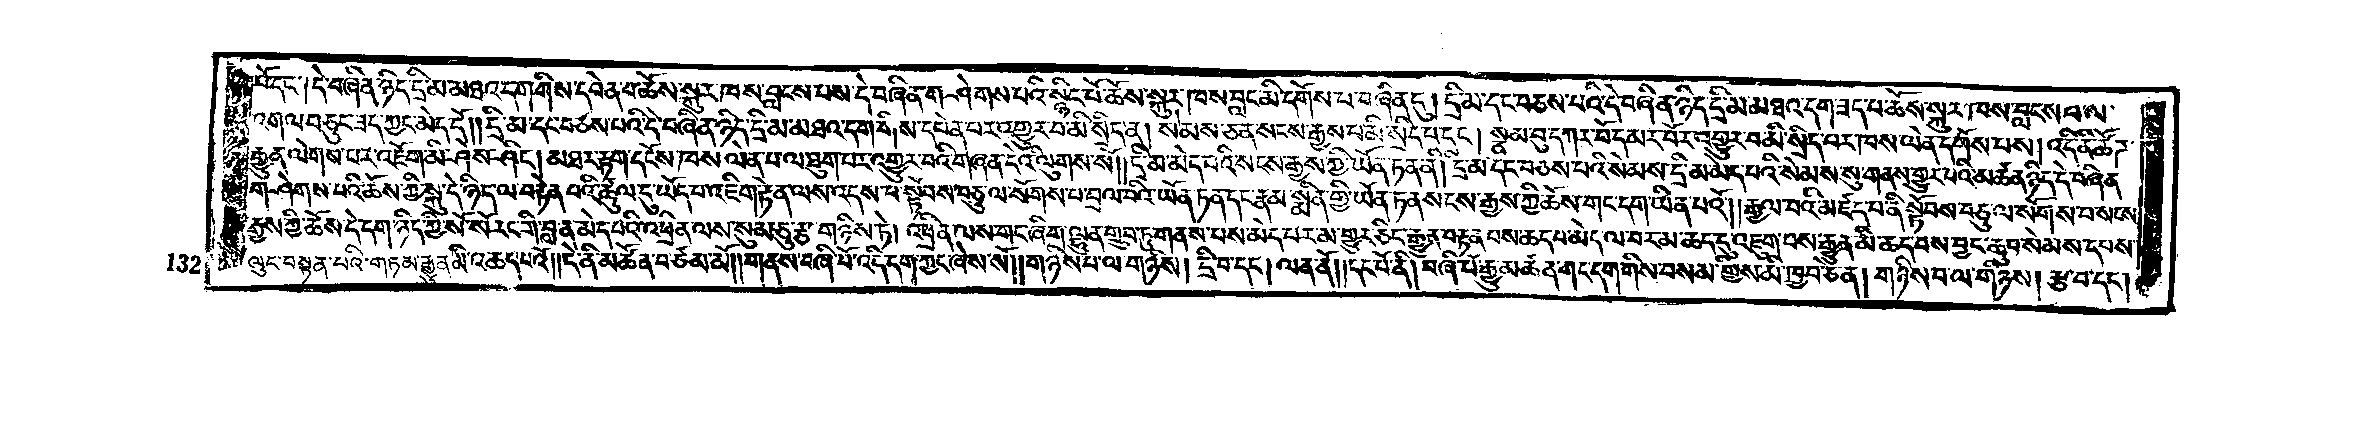པོ་དང་། དེ་བཞིན་ཉིད་དྲི་མ་མཐའ་དག་གིས་དབེན་བ་ཆོས་སྐུར་ཁས་བླངས་པས་དེ་བཞིན་གཤེགས་པའི་སྙིང་པོ་ཆོས་སྐུར་ཁས་བླང་མི་དགོས་པ་བཞིན་དུ། དྲི་མ་དང་བཅས་པའི་དེ་བཞིན་ཉིད་དྲི་མ་མཐའ་དག་ཟད་པ་ཆོས་སྐུར་ཁས་བླངས་པ་ལ་
འགལ་བ་ཅུང་ཟད་ཀྱང་མེད་དོ། །དྲི་མ་དང་བཅས་པའི་དེ་བཞིན་ཉིད་དྲི་མ་མཐའ་དག་གིས་དཔེན་པར་འགྱུར་བ་མི་སྲིད་ན། སེམས་ཅན་སངས་རྒྱས་པ་མི་སྲིད་པ་དང་། སྣམ་བུ་དཀར་པོ་དམར་པོར་འགྱུར་བ་མི་སྲིད་པར་ཁས་ལེན་དགོས་པས། འདི་ནི་ཚོགས་
རྒྱུན་ལེགས་པར་འཇོག་མི་ཤེས་ཤིང་། མཐར་རྟག་དངོས་ཁས་ལེན་པ་ལ་ཐུག་པར་འགྱུར་བའི་གཞན་དེའི་ལུགས་སོ། །དྲི་མ་མེད་པའི་སངས་རྒྱས་ཀྱི་ཡོན་ཏན་ནི། དྲི་མ་དང་བཅས་པའི་སེམས་དྲི་མ་མེད་པའི་སེམས་སུ་གནས་གྱུར་པའི་མཚན་ཉིད་དེ་བཞིན་
གཤེགས་པའི་ཆོས་ཀྱི་སྐུ་དེ་ཉིད་ལ་བརྟེན་པའི་ཚུལ་དུ་ཡོད་པ་འཇིག་རྟེན་ལས་འདས་པ་སྟོབས་བཅུ་ལ་སོགས་པ་བྲལ་བའི་ཡོན་ཏན་དང་རྣམ་སྨིན་གྱི་ཡོན་ཏན་སངས་རྒྱས་ཀྱི་ཆོས་གང་དག་ཡིན་པའོ། །རྒྱལ་བའི་མཛད་པ་ནི་སྟོབས་བཅུ་ལ་སོགས་པ་སངས་
རྒྱས་ཀྱི་ཆོས་དེ་དག་ཉིད་ཀྱི་སོ་སོ་རང་གི་བླ་ན་མེད་པའི་འཕྲིན་ལས་སུམ་ཅུ་རྩ་གཉིས་ཏེ། འཕྲིན་ལས་གང་ཞིག་ལྷུན་གྲུབ་ཏུ་གནས་པས་མེད་པར་མ་གྱུར་ཅིང་རྒྱུན་བརྟན་པས་ཆད་པ་མེད་ལ་བར་མ་ཆད་དུ་འཇུག་པས་རྒྱུན་མི་ཆད་པས་བྱང་ཆུབ་སེམས་དཔས་
ལུང་བསྟན་པའི་གཏམ་རྒྱུན་མི་འཆད་པའོ། །དེ་ནི་མཚོན་པ་ཙམ་མོ། །གནས་བཞི་པོ་འདི་དག་ཀྱང་ཞེས་སོ། །གཉིས་པ་ལ་གཉིས། དྲི་བ་དང་། ལན་ནོ། །དང་པོ་ནི། བཞི་པོ་རྒྱུ་མཚན་གང་དག་གིས་བསམ་གྱིས་མི་ཁྱབ་ཅེ་ན། གཉིས་པ་ལ་གཉིས། རྩ་བ་དང་།